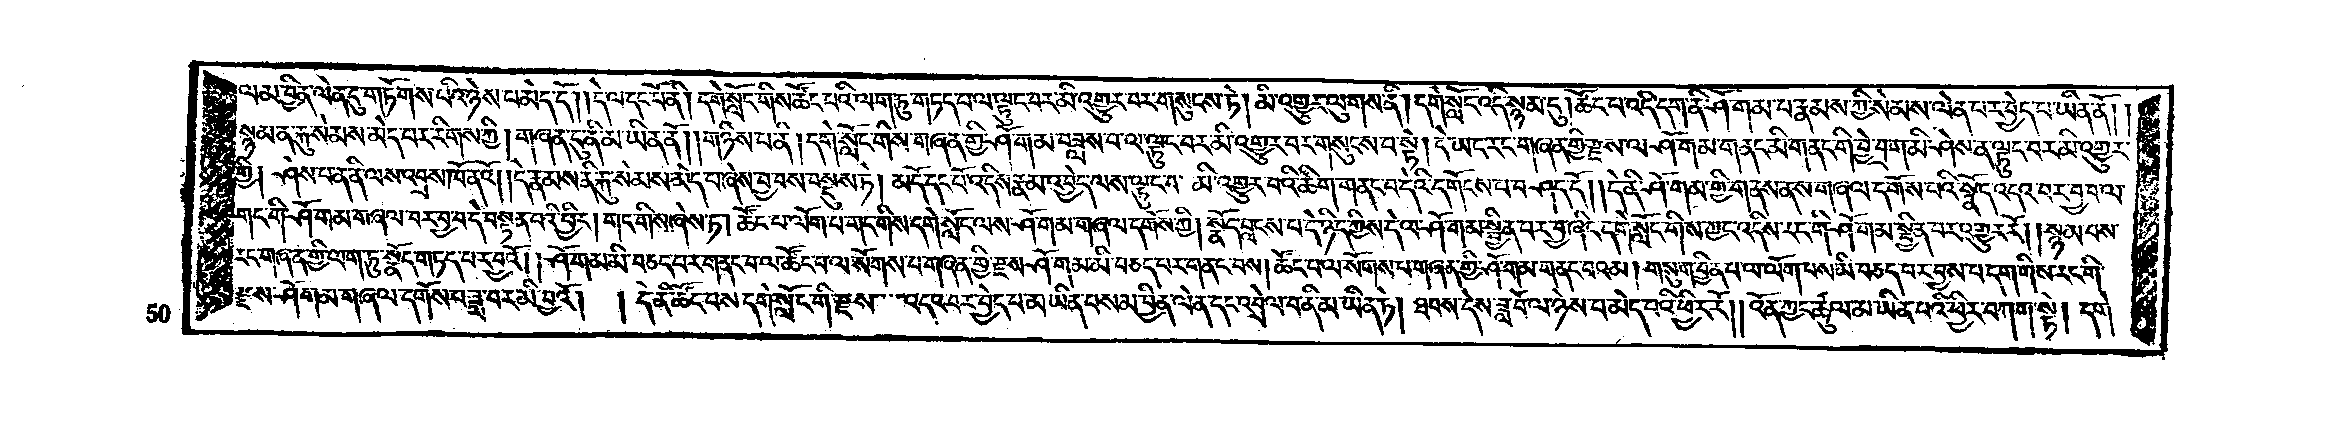ལམ་བྱིན་ལེན་དུ་གཏོགས་པའི་ཉེས་པ་མེད་དོ། །དེ་ལ་དང་པོ་ནི། དགེ་སློང་གིས་ཚོང་པའི་ལག་ཏུ་གཏད་པ་ལ་ལྟུང་བར་མི་འགྱུར་བར་གསུངས་ཏེ། མི་འགྱུར་ལུགས་ནི། དགེ་སློང་འདི་སྙམ་དུ། ཚོང་པ་འདི་དག་ནི་ཤོ་གམ་པ་རྣམས་ཀྱི་སེམས་ལེན་པར་བྱེད་པ་ཡིན་ནོ། །
སྙམ་ན་རྐུ་སེམས་མེད་པར་རིགས་ཀྱི། གཞན་དུ་ནི་མ་ཡིན་ནོ། །གཉིས་པ་ནི། དགེ་སློང་གིས་གཞན་གྱི་ཤོ་གམ་བཟླས་པ་ལ་ལྟུང་བར་མི་འགྱུར་བར་གསུངས་པ་སྟེ། དེ་ཡང་རང་གཞན་གྱི་རྫས་ལ་ཤོ་གམ་གནང་མི་གནང་གི་བྱེ་བྲག་མི་ཤེས་ན་ལྟུང་བར་མི་འགྱུར་
གྱི༑ ཤེས་པ་ན་ནི་ལས་འབྲས་ཁོ་ནའོ། །དེ་རྣམས་ནི་རྐུ་སེམས་མེད་པ་ཞེས་བྱ་བས་བསྡུས་ཏེ། མདོ་དང་པོ་འདིས་རྣམ་འབྱེད་ལས་ལྟུང་བར་མི་འགྱུར་བའི་ཚིག་གནང་བ་དེའི་དགོངས་པ་བཤད་དོ། །དེ་ནི་ཤོ་གམ་གྱི་གནས་ནས་གཞལ་དགོས་པའི་སྣོད་འདའ་བར་བྱ་བ་ལ་
གང་གི་ཤོ་གམ་གཞལ་བར་བྱ་བ་དེ་བསྟན་པའི་ཕྱིར། གང་གིས་ཞེས་ཏ། ཚོང་པ་ལོག་པ་གང་གིས་དགེ་སློང་ལས་ཤོ་གམ་གཞལ་དགོས་ཀྱི། སྣོད་བླངས་པ་དེ་ཉིད་ཀྱིས་དེ་ལ་ཤོ་གམ་སྦྱིན་པར་བྱ་ཞིང་དག་སློང་གིས་ཀྱང་འདིས་རང་གི་ཤོ་གམ་སྦྱིན་པར་འགྱུར་རོ། །སྙམ་པས་
རང་གཞན་གྱི་ལག་ཏུ་སྣོད་གཏད་པར་བྱའོ། །ཤོ་གམ་མི་བཅད་པར་གནང་བ་ལ་ཚོང་པ་ལ་སོགས་པ་གཞན་གྱི་རྫས་ཤོ་གམ་མི་བཅད་པར་གནང་བས། ཚོང་པ་ལ་སོགས་པ་གཞན་གྱི་ཤོ་གམ་གནང་བའམ། གསུག་བྱིན་པ་ལ་ལོག་པས་མི་བཅད་པར་བྱས་པ་དག་གིས་རང་གི་
རྫས་ཤོ་གམ་གཞལ་དགོས་པ་ཟླ་བར་མི་བྱའོ། །དེ་ནི་ཚོང་བས་དགེ་སློང་གི་རྫས་འདའ་བར་བྱེད་པ་མ་ཡིན་པས་མ་བྱིན་ལེན་དང་འབྲེལ་བ་ནི་མ་ཡིན་ཏེ། ཐབས་དེས་ཟླ་བོ་ལ་ཉེས་པ་མེད་པའི་ཕྱིར་རོ། །འོན་ཀྱང་ཚུལ་མ་ཡིན་པའི་ཕྱིར་བཀག་སྟེ། དགེ་